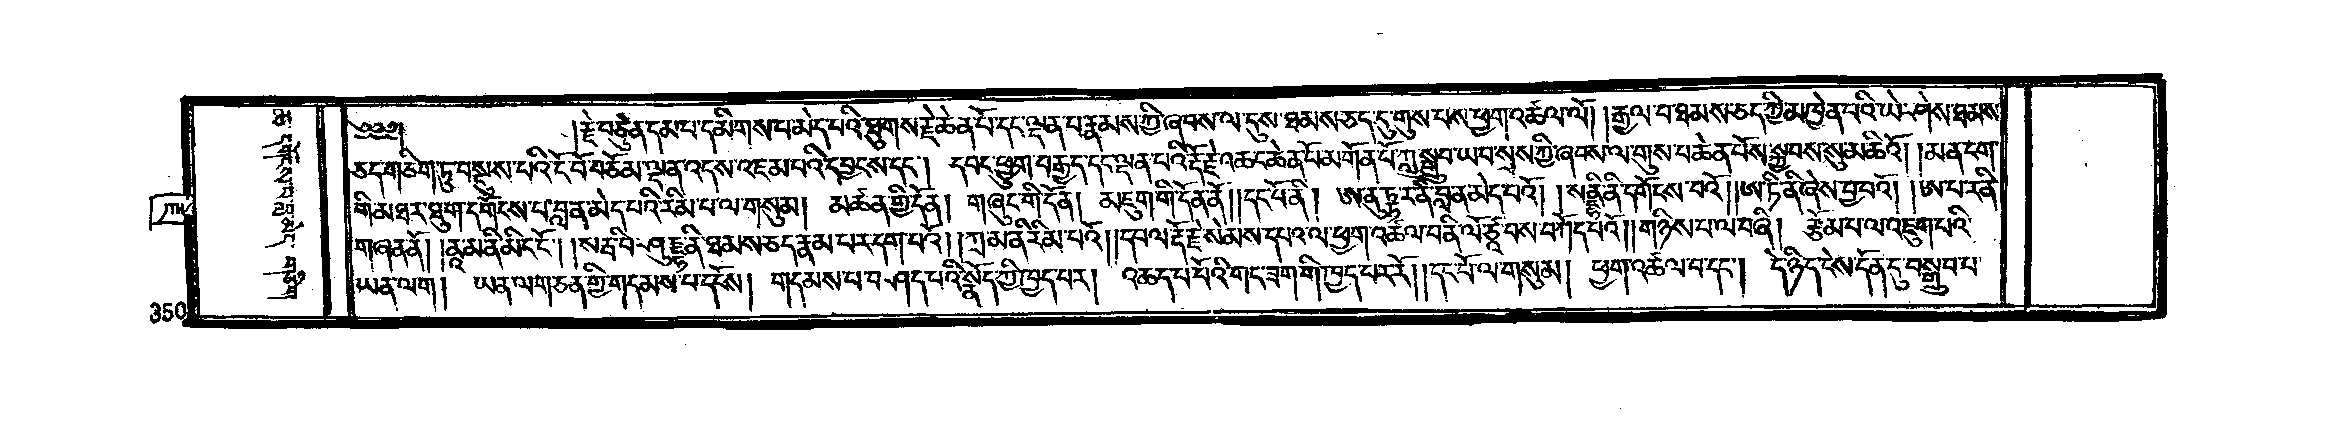༄༅༅། །རྗེ་བཙུན་དམ་པ་དམིགས་པ་མེད་པའི་ཐུགས་རྗེ་ཆེན་པོ་དང་ལྡན་པ་རྣམས་ཀྱི་ཞབས་ལ་དུས་ཐམས་ཅད་དུ་གུས་པས་ཕྱག་འཚལ་ལོ། །རྒྱལ་བ་ཐམས་ཅད་ཀྱི་མཁྱེན་པའི་ཡེ་ཤེས་ཐམས་
ཅད་གཅིག་ཏུ་བསྡུས་པའི་ངོ་བོ་བཅོམ་ལྡན་འདས་འཇམ་པའི་དབྱངས་དང་། དབང་ཕྱུག་བརྒྱད་དང་ལྡན་པའི་རྡོ་རྗེ་འཆང་ཆེན་པོ་མགོན་པོ་གླུ་སྒྲུབ་ཡབ་སྲས་ཀྱི་ཞབས་ལ་གུས་པ་ཆེན་པོས་སྐྱབས་སུ་མཆིའོ། །མན་ངག་
གི་མཐར་ཐུག་དགོངས་པ་བླ་ན་མེད་པའི་རིམ་པ་ལ་གསུམ། མཚན་གྱི་དོན། གཞུང་གི་དོན། མཇུག་གི་དོན་ནོ། །དང་པོ་ནི། ཨ་ནུ་ཏཏ་ར་ནི་བླ་ན་མེད་པའོ། །སནྡྷི་ནི་དགོངས་པའོ། །ཨ་ཏི་ནི་ཞེས་བྱ་བའོ། །ཨ་པ་ར་ནི་
གཞན་ནོ། །ནཱ་མ་ནི་མིང་ངོ། །སརྦ་བི་ཤུདྡྷ་ནི་ཐམས་ཅད་རྣམ་པར་དག་པའོ། །ཀྲ་མ་ནི་རིམ་པའོ། །དཔལ་རྡོ་རྗེ་སེམས་དཔའ་ལ་ཕྱག་འཚལ་བ་ནི་ལོ་ཙཱ་བས་བཀོད་པའོ། །གཉིས་པ་ལ་བཞི། རྩོམ་པ་ལ་འཇུག་པའི་
ཡན་ལག །ཡན་ལག་ཅན་གྱི་གདམས་པ་དངོས། གདམས་པ་བཤད་པའི་སྣོད་ཀྱི་ཁྱད་པར། འཆད་པ་པོའི་གང་ཟག་གི་ཁྱད་པར་རོ། །དང་པོ་ལ་གསུམ། ཕྱག་འཚལ་བ་དང་། དེ་ཉིད་ངེས་དོན་དུ་བསྒྲུབ་པ་